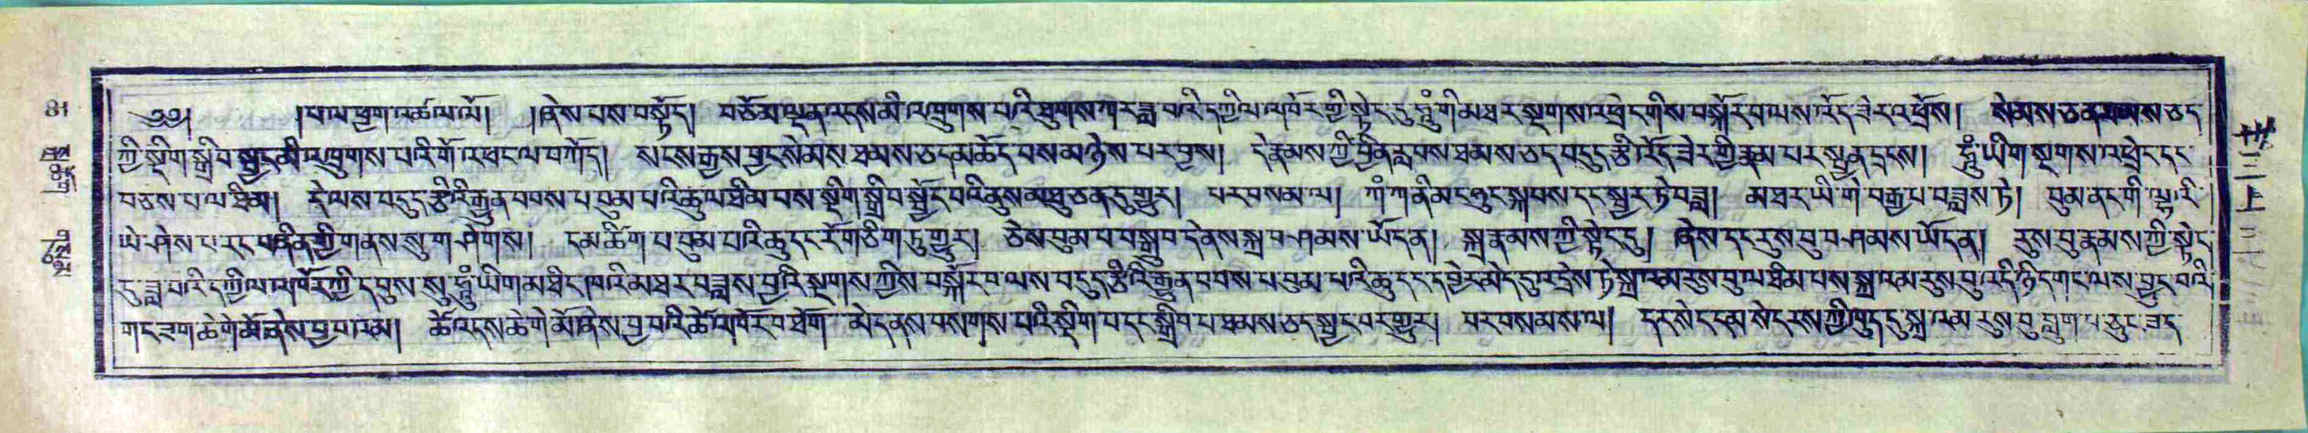༄༅། །པ་ལ་ཕྱག་འཚལ་ལོ། །ཞེས་པས་བསྟོད། བཅོམ་ལྡན་འདས་མི་
འཁྲུགས་པའི་ཐུགས་ཀར་ཟླ་བའི་དཀྱིལ་འཁོར་གྱི་སྟེང་དུ་ཧཱུཾ་གི་མཐར་སྔགས་འཕྲེང་གིས་བསྐོར་བ་ལས་འོད་ཟེར་འཕྲོས། སེམས་ཅན་ཐམས་ཅད་ཀྱི་སྡིག་སྒྲིབ་སྦྱང་མི་འཁྲུགས་པའི་གོ་འཕང་ལ་བཀོད། སངས་རྒྱས་
བྱང་སེམས་ཐམས་ཅད་མཆོད་པས་མཉེས་པར་བྱས། དེ་རྣམས་ཀྱི་བྱིན་རླབས་ཐམས་ཅད་བདུད་རྩི་འོད་ཟེར་གྱི་རྣམ་པར་སྤྱན་དྲངས། ཧཱུཾ་ཡིག་སྔགས་འཕྲེང་དང་བཅས་པ་ལ་ཐིམ། དེ་ལས་བཅུད་རྩིའི་རྒྱུན་བབས་པ་བུམ་
པའི་ཆུ་ལ་ཐིམ་པས་སྡིག་སྒྲིབ་སྦྱོང་བའི་ནུས་མཐུ་ཅན་དུ་གྱུར། པར་བསམ་ལ། ཀཾ་ཀ་ནི་མང་ཉུང་སྐབས་དང་སྦྱར་ཏེ་བཟླ། མཐར་ཡི་གེ་བརྒྱ་པ་བཟླས་ཏེ། བུམ་ནང་གི་ལྷའི་ཡེ་ཤེས་པ་རང་བཞིན་གྱི་གནས་སུ་གཤེགས།
དམ་ཚིག་པ་བུམ་པའི་ཆུ་དང་རོ་གཅིག་ཏུ་གྱུར། ཅེས་བུམ་པ་བསྒྲུབ་དེ་ནས་སྐྲ་བཤམས་ཡོད་ན། སྐྲ་རྣམས་ཀྱི་སྟེང་དུ། ཞེས་དང་རུས་བུ་བཤམས་ཡོད་ན། རུས་བུ་རྣམས་ཀྱི་སྟེང་དུ་ཟླ་བའི་དཀྱིལ་འཁོར་གྱི་དབུས་སུ་ཧཱུཾ་ཡིག་མཐིང་ཁའི་མཐར་བཟླས་བྱའི་སྔགས་ཀྱིས་བསྐོར་བ་ལས་བདུད་རྩིའི་རྒྱུན་བབས་པ་བུམ་པའི་ཆུ་དང་དབྱེར་མེད་དུ་འདྲེས་ཏེ་སྐྲ་འམ་རུས་བུ་ལ་ཐིམ་པས་སྐྲ་འམ་རུས་པུ་འདི་ཉིད་གང་ལས་བྱུང་བའི་གང་ཟག་ཆེ་གེ་
མོ་ཞེས་བྱ་བ་འམ། ཚེ་འདས་ཆེ་གེ་མོ་ཞེས་བྱ་བའི་ཚེ་འཁོར་བ་ཐོགས་མེད་ནས་བསགས་པའི་སྡིག་པ་དང་སྒྲིབ་པ་ཐམས་ཅད་སྦྱང་བར་གྱུར། པར་བསམས་ལ། དར་སེང་དམ་སེང་རས་ཀྱི་ཁུང་?་དུ་སྐྲ་འམ་རུས་བུ་བླུག་པ་
ཅུང་ཟད་